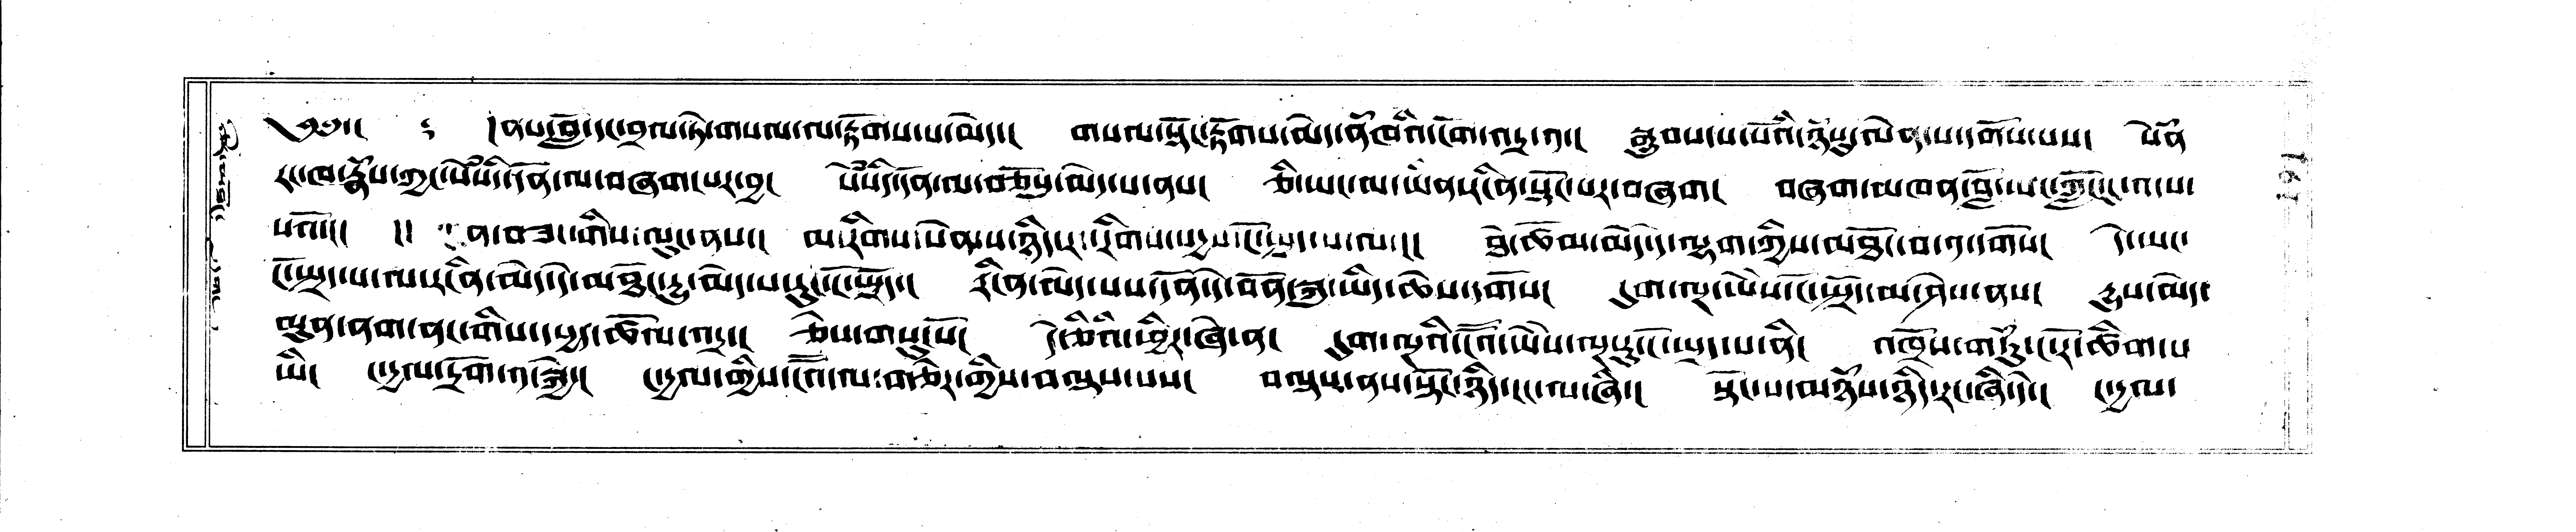ནས་བློ་དང་བྲལ་ཏེ་གསལ་ལ་རྟོག་པ་མེད། གསལ་སྟོང་རྟོགས་མེད་ནམ་མཁའི་ངོག་འདྲ་གཅིག བསྒྲུབ་པ་པོའི་ཉམས་སུ་ལེན་དགོས་པས། སེམས་ཅན་
རང་ཁའི་བློ་རྣམས་ཀྱིས། སེམས་ཉིད་དོན་ལ་བཞག་པར་བྱ། སེམས་ཉིད་དོན་ལ་བཅོས་སུ་མེད་པས་ན། ཅི་ཡང་མ་ཡིན་རང་བཞིན་སྟོང་པར་བཞག བཞག་མཁན་བློ་ཡང་ཀློང་དུ་འདས་
པའོ། ཀུན་བཟང་གིས་ལུང་ནས་ཀྱང་། མ་རིག་སེམས་ཅན་དེ། རང་རིག་སངས་རྒྱས་སུ་ངོ་སྤྲད་པ་ལ། ཐེ་ཚོམ་མེད་དེ་ལྷགས་ཀྱི་༼ལྷག་གིས་༽མཐོང་པ་གཅིག་དགོས། དེ་ཡང་
ངོ་སྤྲད་ལ་རང་བཞིན་མེད་དེ། མཐོང་རྒྱུ་མེད་པ་རུ་ངོ་སྤྲད། རང་བཞིན་མེད་པའི་དོན་དེ་བོན་སྐུར་ཡིད་ཆེས་དགོས། དུག་ལྔ་ཡེ་ཤེས་སུ་ངོ་སྤྲད་མ་ཤེས་ན། རྒྱུས་མེད་
མུན་ནག་ནང་གི་སྤྱད་ཚོལ་འདྲ། ཅེས་༼ཞོག་༽གསུངས། དེ་ཡང་ཅི་ཕྱིར་ཞེ་ན། དུག་ལྔའི་ངོའོ་ཡེ་ཤེས་ལྔ་རུ་ངོ་སྤྲད་པ་ནི། ཁྲོ་གཏུམ་ང་རོ་འཚིག་
པའི་ ང་རྒྱལ་དྲག་པོ་གཅིག་སྐྱེས། ང་རྒྱལ་གྱི་ངོའོ་ལ་གཅེར་གྱིས་བལྟས། བལྟས་པས་སྟོང་ཉིད་ངང་དུ་ཞི། སྟོང་པ་མཉམ་ཉིད་རང་ཞི་དེ། ང་རྒྱལ་